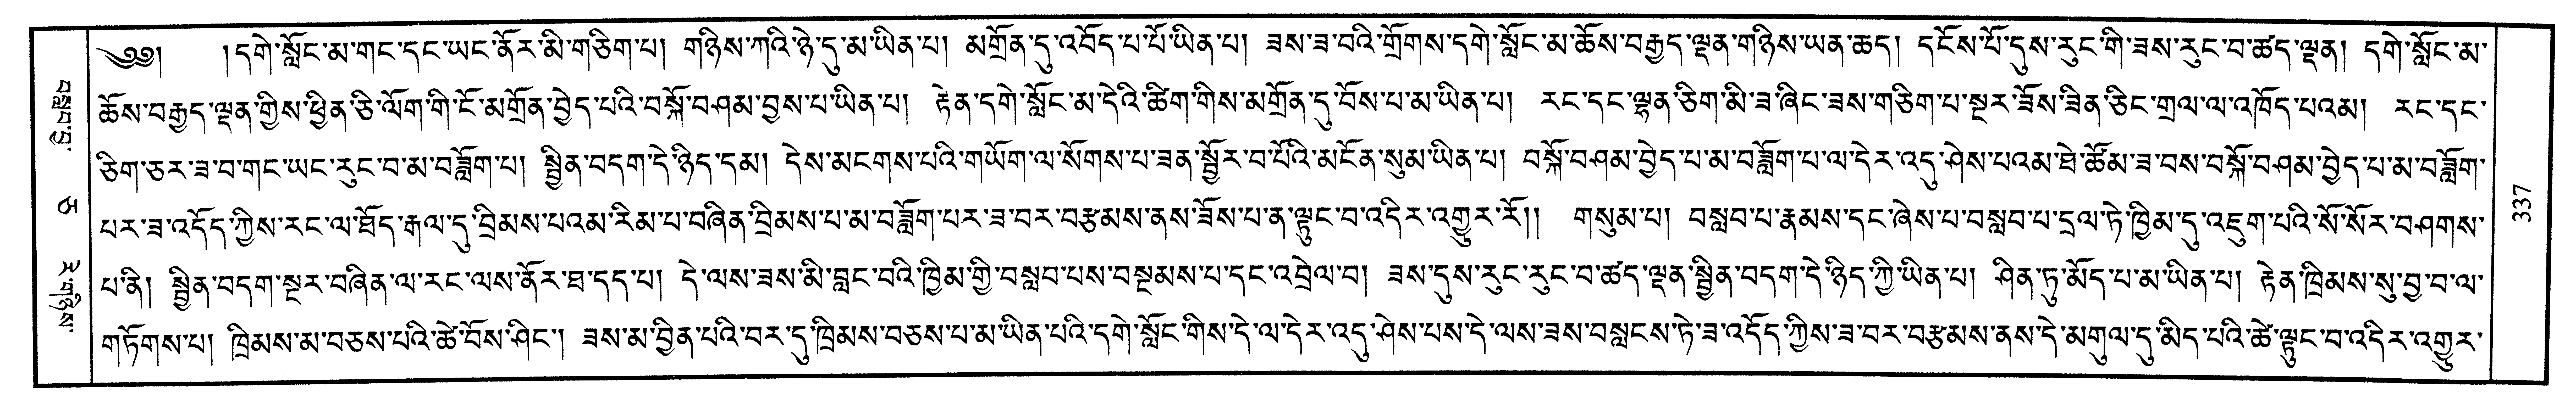༄༅། །དགེ་སློང་མ་གང་དང་ཡང་ནོར་མི་གཅིག་པ། གཉིས་ཀའི་ཉེ་དུ་མ་ཡིན་པ། མགྲོན་དུ་འབོད་པ་པོ་ཡིན་པ། ཟས་ཟ་བའི་གྲོགས་དགེ་སློང་མ་ཆོས་བརྒྱད་ལྡན་གཉིས་ཡན་ཆད། དངོས་པོ་དུས་རུང་གི་ཟས་རུང་བ་ཚད་ལྡན། དགེ་སློང་མ་
ཆོས་བརྒྱད་ལྡན་གྱིས་ཕྱིན་ཅི་ལོག་གི་ངོ་མགྲོན་བྱེད་པའི་བསྐོ་བཤམ་བྱས་པ་ཡིན་པ། རྟེན་དགེ་སློང་མ་དེའི་ཚིག་གིས་མགྲོན་དུ་བོས་པ་མ་ཡིན་པ། རང་དང་ལྷན་ཅིག་མི་ཟ་ཞིང་ཟས་གཅིག་པ་སྔར་ཟོས་ཟིན་ཅིང་གྲལ་ལ་འཁོད་པའམ། རང་དང་
ཅིག་ཅར་ཟ་བ་གང་ཡང་རུང་བ་མ་བཟློག་པ། སྦྱིན་བདག་དེ་ཉིད་དམ། དེས་མངགས་པའི་གཡོག་ལ་སོགས་པ་ཟན་སྦྱོར་བ་པོའི་མངོན་སུམ་ཡིན་པ། བསྐོ་བཤམ་བྱེད་པ་མ་བཟློག་པ་ལ་དེར་འདུ་ཤེས་པའམ་ཐེ་ཚོམ་ཟ་བས་བསྐོ་བཤམ་བྱེད་པ་མ་བཟློག་
པར་ཟ་འདོད་ཀྱིས་རང་ལ་ཐོད་རྒལ་དུ་བྲིམས་པའམ་རིམ་པ་བཞིན་བྲིམས་པ་མ་བཟློག་པར་ཟ་བར་བརྩམས་ནས་ཟོས་པ་ན་ལྟུང་བ་འདིར་འགྱུར་རོ།། གསུམ་པ། བསླབ་པ་རྣམས་དང་ཞེས་པ་བསླབ་པ་དྲལ་ཏེ་ཁྱིམ་དུ་འཇུག་པའི་སོ་སོར་བཤགས་
པ་ནི། སྦྱིན་བདག་སྔར་བཞིན་ལ་རང་ལས་ནོར་ཐ་དད་པ། དེ་ལས་ཟས་མི་བླང་བའི་ཁྱིམ་གྱི་བསླབ་པས་བསྔམས་པ་དང་འབྲེལ་བ། ཟས་དུས་རུང་རུང་བ་ཚད་ལྡན་སྦྱིན་བདག་དེ་ཉིད་ཀྱི་ཡིན་པ། ཤིན་ཏུ་མོད་པ་མ་ཡིན་པ། རྟེན་ཁྲིམས་སུ་བྱ་བ་ལ་
གཏོགས་པ། ཁྲིམས་མ་བཅས་པའི་ཚེ་བོས་ཤིང་། ཟས་མ་བྱིན་པའི་བར་དུ་ཁྲིམས་བཅས་པ་མ་ཡིན་པའི་དགེ་སློང་གིས་དེ་ལ་དེར་འདུ་ཤེས་པས་དེ་ལས་ཟས་བསླངས་ཏེ་ཟ་འདོད་ཀྱིས་ཟ་བར་བརྩམས་ནས་དེ་མགུལ་དུ་མིད་པའི་ཚེ་ལྟུང་བ་འདིར་འགྱུར་